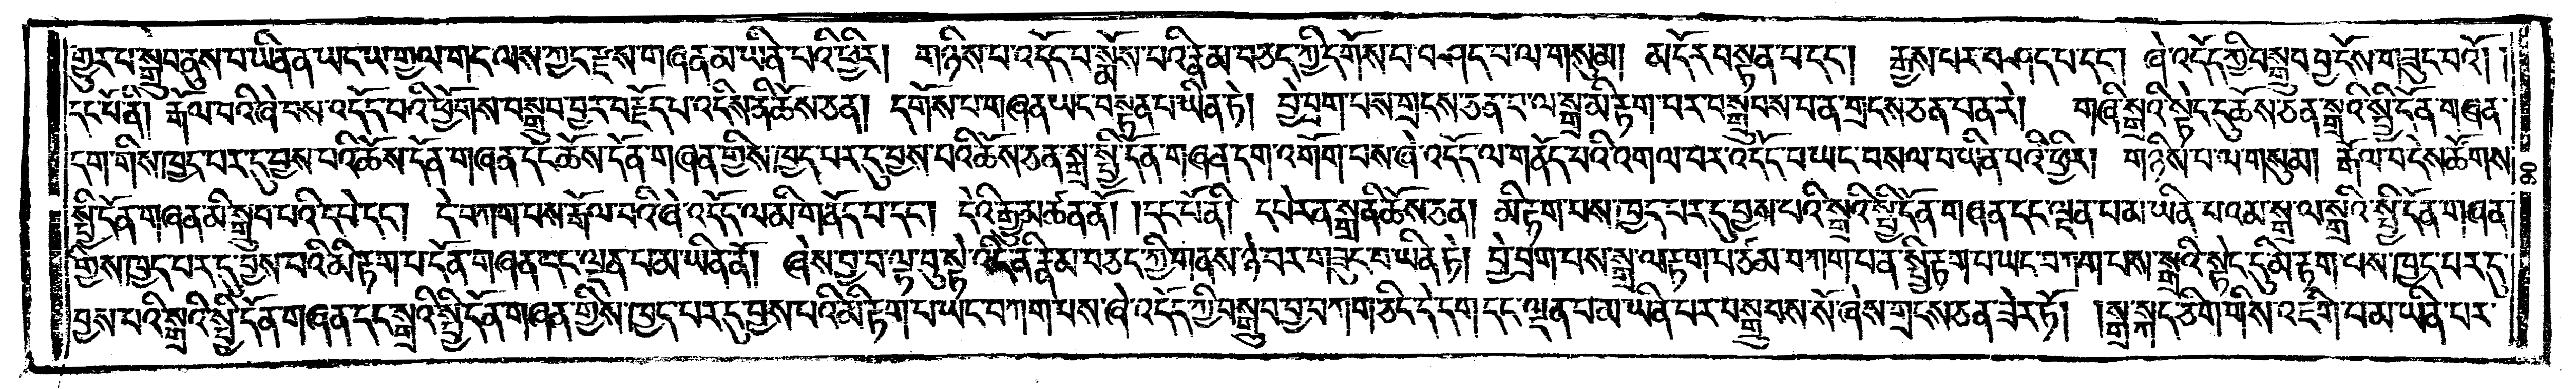གྱུར་པ་སྒྲུབ་ནུས་པ་ཡིན་ན་ཡང་ཡ་གྱལ་གང་ལས་ཀྱང་རྫས་གཞན་མ་ཡིན་པའི་ཕྱིར། གཉིས་པ་འདོད་པ་སྨོས་པའི་རྣམ་བཅད་ཀྱི་དགོས་པ་བཤད་པ་ལ་གསུམ། མདོར་བསྟན་པ་དང་། རྒྱས་པར་བཤད་པ་དང་། ཞེ་འདོད་ཀྱི་བསྒྲུབ་བྱ་ངོས་གཟུང་བའོ། །
དང་པོ་ནི། རྒོལ་བའི་ཞེ་བས་འདོད་པའི་ཕྱོགས་བསྒྲུབ་བྱར་བརྗོད་པ་འདིས་ནི་ཆོས་ཅན། དགོས་པ་གཞན་ཡང་བསྟན་པ་ཡིན་ཏེ། བྱེ་བྲག་པས་གྲངས་ཅན་བ་ལ་སྒྲ་མི་རྟག་པར་བསྒྲུབས་པ་ན་གྲངས་ཅན་པན་རེ། གཞི་སྒྲའི་སྟེང་དུ་ཆོས་ཅན་སྒྲའི་སྦྱི་དོན་གཞན་
དག་གིས་ཁྱད་པར་དུ་བྱས་པའི་ཆོས་དོན་གཞན་དང་ཆོས་དོན་གཞན་གྱིས་ཁྱད་པར་དུ་བྱས་པའི་ཆོས་ཅན་སྒྲ་སྤྱི་དོན་གཞན་དག་འགོག་པས་ཞེ་འདོད་ལ་གནོད་པའི་འགལ་བར་འདོད་པ་ཡང་བསལ་བ་ཡིན་པའི་ཕྱིར། གཉིས་པ་ལ་གསུམ། རྒོལ་བ་དེས་ཚོགས་
སྤྱི་དོན་གཞན་མི་སྒྲུབ་པའི་དཔེ་དང་། དེ་བཀག་པས་རྒོལ་བའི་ཞེ་འདོད་ལ་མི་གནོད་པ་དང་། དེའི་རྒྱུ་མཚན་ནོ། །དང་པོ་ནི། དཔེར་ན་སྒྲ་ནི་ཆོས་ཅན། མི་རྟག་པས་ཁྱད་པར་དུ་བྱས་པའི་སྒྲའི་སྤྱི་དོན་གཞན་དང་ལྡན་པ་མ་ཡིན་པའམ་སྒྲ་ལ་སྒྲའི་སྤྱི་དོན་གཞན་
གྱིས་ཁྱད་པར་དུ་བྱས་པའི་མི་རྟག་པ་དོན་གཞན་དང་ལྡན་པ་མ་ཡིན་ནོ། ཞེས་བྱ་བ་ལྟ་བུ་སྟེ་འདི་ནི་རྣམ་བཅད་ཀྱི་གནས་ཉེ་བར་གཟུང་བ་ཡིན་ཏེ། བྱེ་བྲག་པས་སྒྲ་ལ་རྟག་པ་ཙམ་བཀག་པ་ན་སྤྱི་རྟག་པ་ཡང་བཀག་པས་སྒྲའི་སྟེང་དུ་མི་རྟག་པས་ཁྱད་པར་དུ་
བྱས་པའི་སྒྲའི་སྤྱི་དོན་གཞན་དང་སྒྲའི་སྤྱི་དོན་གཞན་གྱིས་དྑྱད་པར་དུ་བྱས་པའི་མི་རྟག་པ་ཡང་བཀག་པས་ཞེ་འདོད་ཀྱི་བསྒྲུབ་བྱ་བཀག་ཅིང་དེ་དག་དང་ལྡན་པ་མ་ཡིན་པར་བསྒྲུབ་སོ་ཞེས་གྲངས་ཅན་ཟེར་ཏོ། །སྒྲ་སྐད་ཅིག་གིས་འཇིག་བ་མ་ཡིན་པར་